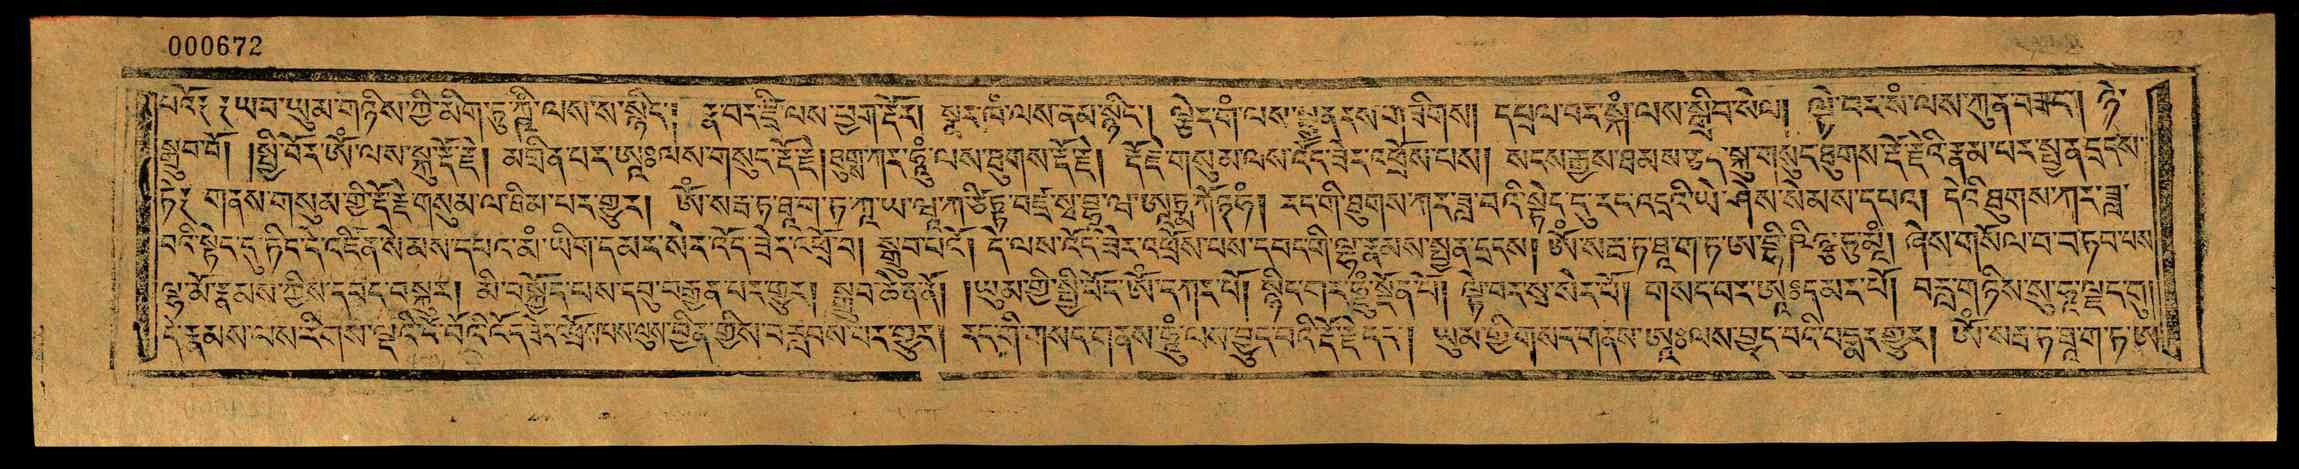པའོ༑ ༑ཡབ་ཡུམ་གཉིས་ཀྱི་མིག་ཏུ་ཀྵིཾ་ལས་ས་སྙིང་། རྣ་བར་ཛིཾ་ལས་ཕྱག་རྡོར། སྣར་ཁཾ་ལས་ནམ་སྙིང་། ལྕེར་གཾ་ལས་སྤྱན་རས་གཟིགས། དཔྲལ་བར་སྐཾ་ལས་སྒྲིབ་སེལ། ལྟེ་བར་སཾ་ལས་ཀུན་བཟང་། ཉེ་
སྒྲུབ་བོ། །སྤྱི་བོར་ཨོཾ་ལས་སྐུ་རྡོ་རྗེ། མགྲིན་པར་ཨཱཿ ལས་གསུང་རྡོ་རྗེ། ཐུགས་ཀར་ཧཱུཾ་ལས་ཐུགས་རྡོ་རྗེ། རྡོ་རྗེ་གསུམ་ལས་འོད་ཟེར་འཕྲོས་པས། སངས་རྒྱས་ཐམས་ཅད་སྐུ་གསུང་ཐུགས་རྡོ་རྗེའི་རྣམ་པར་སྤྱན་དྲངས་
ཏེ༑ གནས་གསུམ་གྱི་རྡོ་རྗེ་གསུམ་ལ་ཐིམ་པར་གྱུར། ཨོཾ་སརྦ་ཏ་ཐཱ་ག་ཏ་ཀཱ་ཡ་ཝཱ་ཀ་ཙིཏྟ་བཛྲ་སྭ་བྷཱ་ཝ་ཨཱཏྨ་ཀོཉ་ཧཾ། རང་གི་ཐུགས་ཀར་ཟླ་བའི་སྟེང་དུ་རང་འདྲའི་ཡེ་ཤེས་སེམས་དཔའ། དེའི་ཐུགས་ཀར་ཟླ་
བའི་སྟེང་དུ་ཏིང་ངེ་འཛིན་སེམས་དཔའ་མཾ་ཡིག་དམར་སེར་འོད་ཟེར་འཕྲོ་བ། སྒྲུབ་པའོ། དེ་ལས་འོད་ཟེར་འཕྲོས་པས་དབང་གི་ལྷ་རྣམས་སྤྱན་དྲངས། ཨོཾ་སརྦ་ཏ་ཐཱ་ག་ཏ་ཨ་བྷི་ཥིཉྩ་ཏུ་མཱཾ། ཞེས་གསོལ་བ་བཏབ་པས་
ལྷ་མོ་རྣམས་ཀྱིས་དབང་བསྐུར། མི་བསྐྱོད་པས་དབུ་བརྒྱན་པར་གྱུར། སྒྲུབ་ཆེན་ནོ། །ཡུམ་གྱི་སྤྱི་བོར་ཨོཾ་དཀར་པོ། སྙིང་གར་ཧཱུཾ་སྔོན་པོ། ལྟེ་བར་སྭ་སེར་པོ། གསང་བར་ཨཱཿ དམར་པོ། བརླ་གཉིས་སུ་ཧཱ་ལྗང་གུ།
དེ་རྣམས་ལས་རིགས་ལྔའི་ངོ་བོའི་འོད་ཟེར་འཕྲོས་པས་ལུས་བྱིན་གྱིས་བརླབས་པར་གྱུར། རང་གི་གསང་གནས་ཧཱུཾ་ལས་བྱུང་བའི་རྡོ་རྗེ་དང་། ཡུམ་གྱི་གསང་གནས་ཨཱཿ ལས་བྱུང་བའི་པདམར་གྱུར། ཨོཾ་སརྦ་ཏ་ཐཱ་ག་ཏ་ཨ་